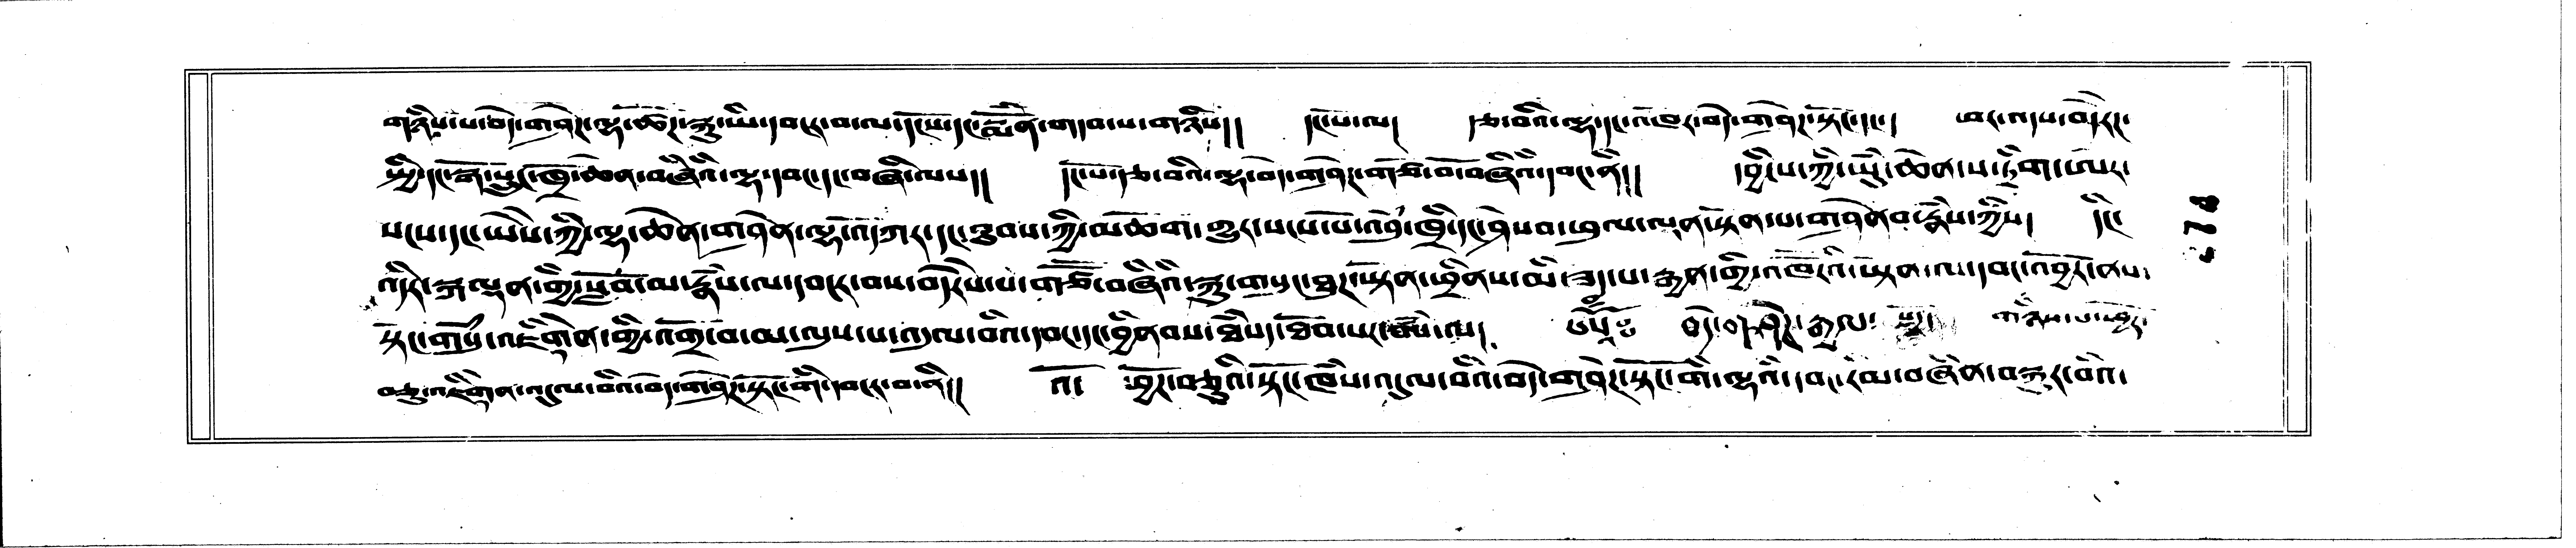གཉིས་པ་བདེར་གཤེགས་ལྷ་ཚོགས་སྐུ་ཡི་དབང་བསྐུར་བ་ལ་དངོས་དང་སྨོན་ལམ་གདབ་པ་གཉིས། དང་པོ་ལ་རྩ་བའི་ལྷ་དང་། འཁོར་བདེར་གཤེགས་སྟོང་དང་། ཕར་འདས་བདེར་གཤེགས་
སྤྱི་དང་སྒོ་སྲུང་ཁྲོ་ཆེན་བཞིའི་ལྷ་དབང་དང་བཞི་ལས། དང་པོ་རྩ་བའི་ལྷ་བདེར་གཤེགས་གཙོ་བོ་བཞིའི་དབང་ནི། དབྱིངས་ཀྱི་ཡུམ་ཆེན་ས་ཏྲིག་ཨེར་
སངས་དང་། ཡེ་ཤེས་ཀྱི་ལྷ་ཆེན་གཤེན་ལྷ་འོད་དཀར་དང་། ཐབས་ཀྱི་མཆོག་གྱུར་སངས་པོ་འབུམ་ཁྲི་དང་། ཤེས་རབ་ཕུལ་ལྡན་སྟོན་པ་གཤེན་རབ་རྣམས་ཀྱིས། དེང་འ
དིར་སྐལ་ལྡན་གྱི་སློབ་མ་རྣམས་ལ་དབང་བསྐུར་བས་བདེ་བར་གཤེགས་པ་གཙོ་བོ་བཞིའི་སྐུ་གསུང་ཐུགས་ཡོན་ཏན་འཕྲིན་ལས་མི་བཟད་པ་རྒྱན་གྱི་འཁོར་ལོའི་ཡོན་ཏན་ལ་དབང་འབྱོར་ནས་
སྟོང་གསུམ་འཇིག་རྟེན་གྱི་འགྲོ་བ་མ་ལུས་པ་འདུལ་བའི་དབང་དང་བྱིན་རླབས་ཐམས་ཅད་ཐོབ་པར་བསམ་ལ། ཨཱོྃ་བདེར་གཤེགས་རྒྱལ༑ སོགས། གཉིས་པ་ཕྱོགས་
བཅུ་འཇིག་རྟེན་འདུལ་བའི་བདེར་གཤེགས་སྟོང་གི་དབང་བསྐུར་བ་ནི། འོ་ཕྱོགས་བཅུའི་སྟོང་ཁམས་འདུལ་བའི་བདེར་གཤེགས་སྟོང་གི་ལྷ་ཡི་དབང་རིམ་བཞིན་བསྐུར་བའི་